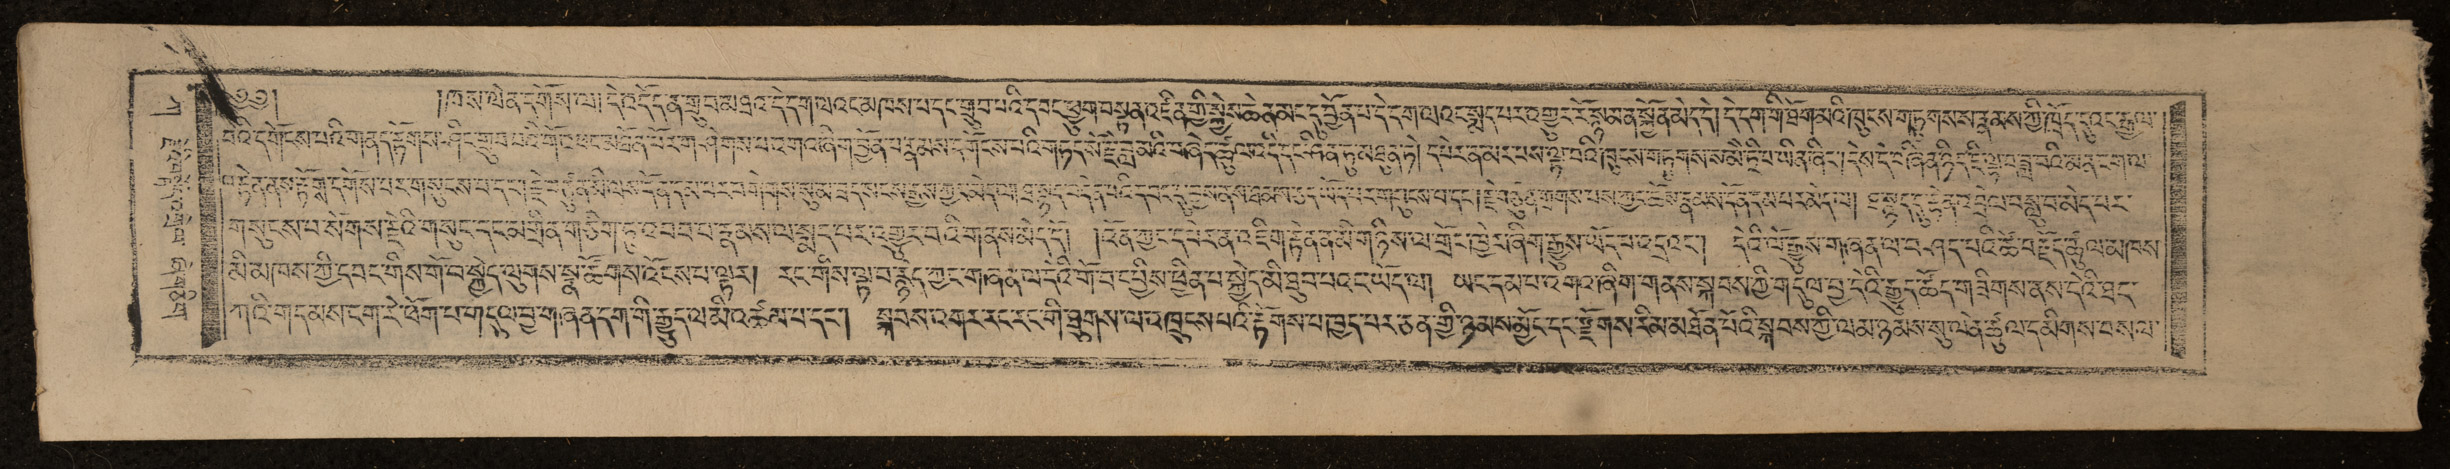༄༅། །ཁས་ལེན་དགོས་པ། དེ་འདོད་ན་གྲུབ་མཐའ་དེ་དག་ལའང་མཁེས་པ་དང་གྲུབ་པའི་དབང་ཕྱུག་བསྟན་འཛིན་གྱི་སྐྱེས་ཆེན་མང་དུ་བྱོན་པ་དེ་དག་ལའང་སྨད་བར་འགྱུར་རོ་སྙམ་ན་སྐྱོན་མེད་དེ། དེ་དག་གི་ཐོག་མའི་ཁུངས་གཏུགས་ས་རྣམས་ཀྱི་ཁོང་དུའང་རྒྱལ་
བའི་དགོངས་བའི་གནད་རྟོགས་ཤིང་གྲུབ་པའི་གོ་འཕབ་མཐོན་པོར་གཤེགས་པ་འགའ་ཞིག་བྱོན་པ་རྣམས་དགོངས་པའི་གཏད་སོ་རྗེ་བླ་མའི་བཞེད་ཚུལ་འདི་དང་ཤིན་ཏུ་མཐུན་ཏེ། དཔེར་ན་མར་བས་ལྟ་བའི་ཁུངས་གཏུགས་ས་མཻ་ཏྲི་བ་མིན་ཞིང་། དེས་དེ་བཞིན་ཉིད་ཇི་ལྟ་བ་ཟླ་བའི་མན་ངག་ལ་
བརྟེན་ནས་རྟོགས་དགོས་པར་གསུངས་པ་དང་། རྗེ་བཙུན་མི་ལས་དོན་དམ་པར་བགེགས་སུ་མ་ཟད་སངས་རྒྱས་ཀྱང་མེད་ལ། ཐ་སྙད་བདེན་པའི་དབང་དུ་བྱས་ནས་ཐམས་ཅད་ཡོད་པར་གསུངས་པ་དང་། རྗེ་བཙུན་གྲགས་པས་ཀྱང་ཆོས་རྣམས་དོན་དམ་བར་མེད་ལ། ཐ་སྙད་དུ་རྟེན་འབྲེལ་བསླུ་བ་མེད་པར་
གསུངས་པ་སོགས་རྗེའི་གསུངས་དང་མགྲིན་གཅིག་ཏུ་འབབ་པ་རྣམས་ལ་སྨད་པར་འགྱུར་བའི་གནས་མེད་དོ། །འོན་ཀྱང་དཔེར་ན་འཇིག་རྟེན་ན་མི་གཉིས་ལ་གྲོང་ཁྱེར་ཞིག་རྒྱུས་ཡོད་པ་འདྲའང་། དེའི་ལོ་རྒྱུས་གཞན་ལ་བཤད་པའི་ཚེ་བརྗོད་ཚུལ་མཁས་
མི་མཁས་ཀྱི་དབང་གིས་གོ་བསྐྱེད་ལུགས་སྣ་ཚོགས་འོངས་བ་ལྟར། རང་གིས་ལྟ་བ་རྙེད་ཀྱང་གཞན་ལ་དེའི་གོ་བ་དབྱིས་ཕྱི་ནས་སྐྱེད་མི་ཐུབ་བའང་ཡོད་ལ། ཡང་དམ་པ་འགའ་ཞིག་གནས་སྐབས་ཀྱི་གདུལ་བྱ་དེའི་རྒྱུད་ཚོད་གཟིགས་ནས་དེའི་ཐང་
ཀའི་གདམས་ངག་རེ་ཕོག་པ་གདུལ་བྱ་གཞན་དག་གི་རྒྱུད་ལ་མི་འཚམ་པ་དང་། སྐབས་འགར་རང་རང་གི་ཐུགས་ལ་འཁྲུངས་པའི་རྟོགས་པ་ཁྱད་པར་ཅན་གྱི་ཉམས་མྱོང་དང་རྫོགས་རིམ་མཐོན་པོའི་སྐབས་ཀྱི་ལམ་ཉམས་སུ་ལེན་ཚུལ་དམིགས་བསལ་